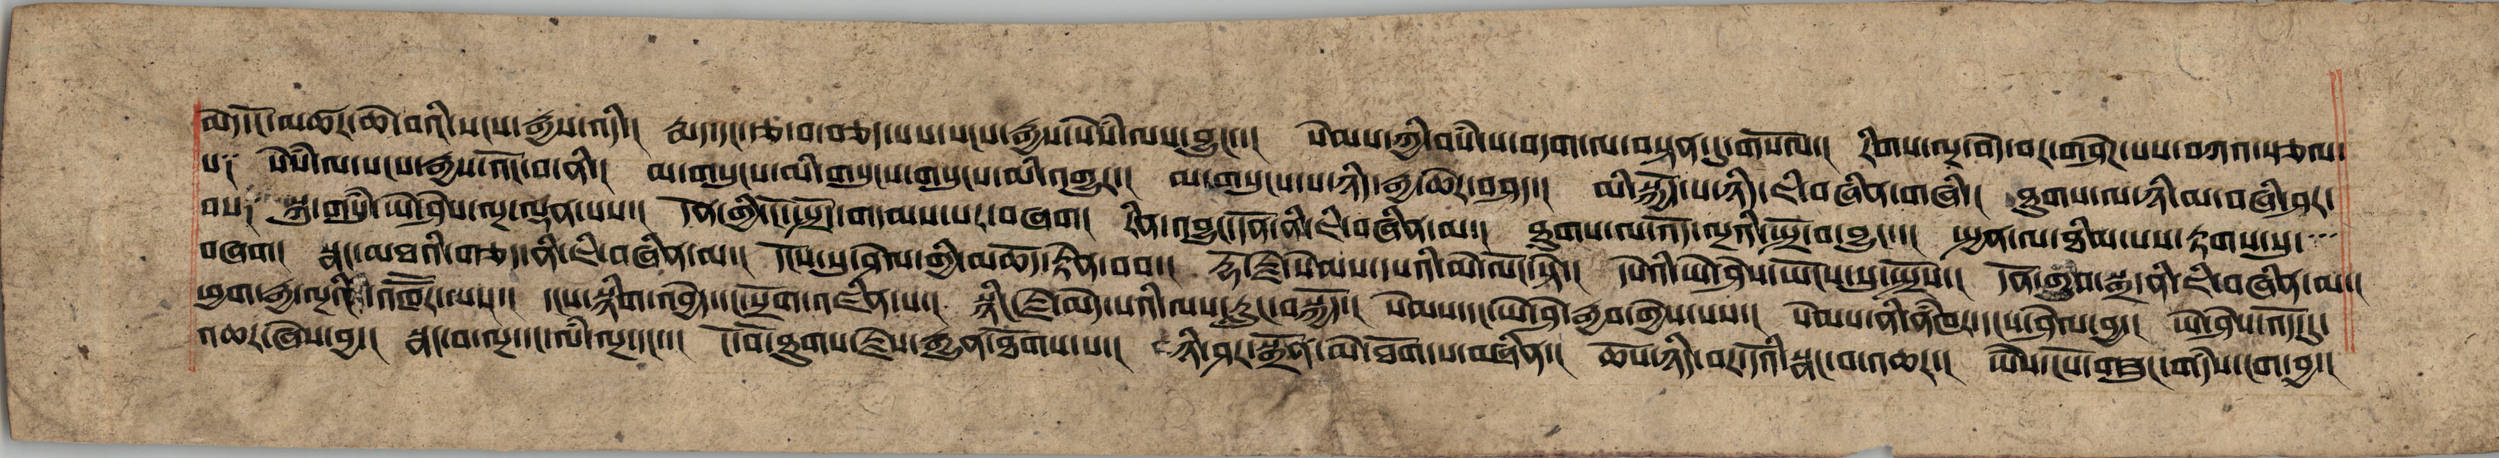མེད་ངོ་མཚར་ཆེ་བའི་སངས་རྒྱས་འདི་། རྨད་དང་རྩ་བ་བཅད་པས་སངས་རྒྱས་སེཾས་ལས་བྱུང་་། སེམས་ཀྱི་བསཾ་པ་བདག་ལ་བསྟན་དུ་གསོལ་། རིགས་ལྔ་བདེ་བར་གཤེཌ་པས་བཀའ་སྩལ་
པ༑ སེཾས་ལ་སངས་རྒྱས་འོང་བ་ནི་། མ་གསུངས་མི་གསུངས་གསུངས་མི་འགྱུར་། མ་གསུངས་པ་ཉིད་རྒྱ་ཆེར་བཤད་། མི་སྐྱོད་པ་ཉིད་ཇི་བཞིན་གཞི། ཐུགས་ལ་ཉི་མ་བཞི་ཤར་
བས༑ སྐུ་གསུཾ་ཡེ་ཤེས་ལྔ་ལྡན་པས་། དོན་གྱི་ངོ་སྤྲོད་གདམས་པར་བཞག། རིན་འབྱུང་དོན་ནི་ཇི་བཞིན་ལ་། ཐུགས་ལ་འོད་ལྔའི་སྤྲོ་བ་བྱུང་་། སྤྱན་ལ་ཐིམ་པས་རྟགས་སུ་
བཞག། སྣང་མཐའི་གཅད་ནི་ཇི་བཞིན་མ་། དངོས་སུ་ཤེལ་གྱི་མཆོད་རྟེན་བབ་། རྡོ་རྗེ་སེམས་དཔའི་མེ་ལོང་སྟེ་། དཔེའི་ཡེ་ཤེས་ཡོངས་སུ་སྤྲོས་། དོན་གྲུབ་སྒྲ་ནི་ཇི་བཞིན་མ་།
ཕྱག་རྒྱ་ལྔའི་འཁཽར་ལས་། དངས་སྙིག་འབྱེད་དང་སྲོག་འཛིན་པ་། སྙིང་རྗེ་མེད་པའི་ལས་རླུང་བསྐྱོད་། སེམས་དང་ཡེ་ཤེ་རྒྱབ་གྱེས་པས་། སེམས་ནི་ནཾཁར་དངས་ཤེལ་བྱ་། ཡེ་ཤེས་འོད་དུ་
འཆར་ཞེས་བྱ་། སྣང་བ་ལྔ་དང་ལཾ་ལྔ་དང་་། ངོ་བོ་ཐུགས་རྗེས་རྒྱུན་ཐོགས་པ་། ཉི་ཤར་སྒྲོན་མེ་ཐོག་པ་བཞིན་། ཆོས་ཉིད་བར་དོའི་སྣང་བ་འཆར་། ཡཻས་ངོས་གཟུང་གདཾས་ངག་བྱ་།